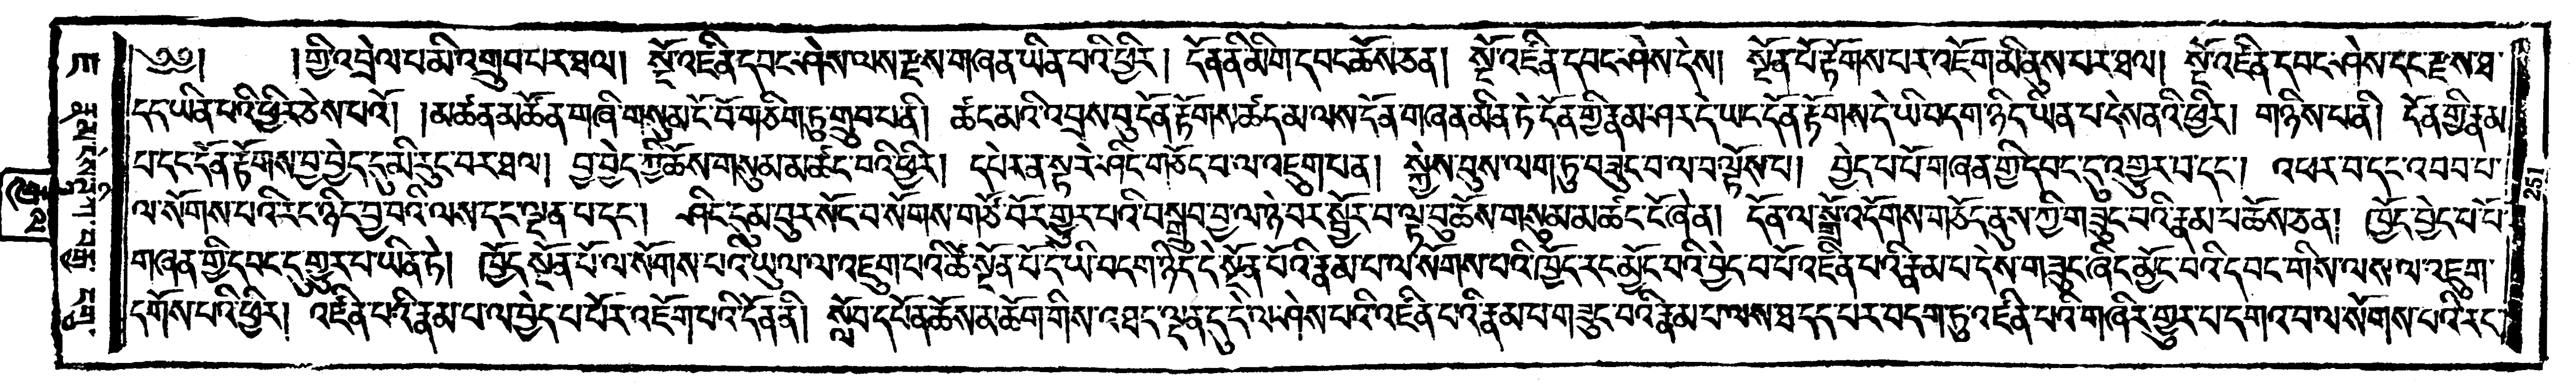༄༅། །གྱི་འབྲེལ་པ་མི་འགྲུབ་པར་ཐལ། སྔོ་འཛིན་དབང་ཤེས་ལས་རྫས་གཞན་ཡིན་པའི་ཕྱིར། དོན་ནི་མིག་དབང་ཆོས་ཅན། སྔོ་འཛིན་དབང་ཤེས་དེས། སྔོན་པོ་རྟོགས་པར་འཇོག་མི་ནུས་པར་ཐལ། སྔོ་འཛིན་དབང་ཤེས་དང་རྫས་ཐ་
དད་ཡིན་པའི་ཕྱིར་ཅེས་པའོ། །མཚན་མཚོན་གཞི་གསུམ་ངོ་བོ་གཅིག་ཏུ་གྲུབ་པ་ནི། ཚད་མའི་འབྲས་བུ་དོན་རྟོགས་ཚད་མ་ལས་དོན་གཞན་མིན་ཏེ་དོན་གྱི་རྣམ་ཤར་དེ་ཡང་དོན་རྟོགས་དེ་ཡི་བདག་ཉིད་ཡིན་པ་དེས་ནའི་ཕྱིར། གཉིས་པ་ནི། དོན་གྱི་རྣམ་
པ་དང་དོན་རྟོགས་བྱ་བྱེད་དུ་མི་རུང་བར་ཐལ། བྱ་བྱེད་ཀྱི་ཆོས་གསུམ་མ་ཚང་བའི་ཕྱིར། དཔེར་ན་སྟ་རེ་ཤིང་གཅོད་པ་ལ་འཇུག་པ་ན། སྐྱེས་བུས་ལག་ཏུ་བཟུང་བ་ལ་བལྟོས་པ། བྱེད་པ་པོ་གཞན་གྱི་དབང་དུ་འགྱུར་བ་དང་། འཕར་བ་དང་འབབ་པ་
ལ་སོགས་པའི་རང་ཉིད་བྱ་བའི་ལས་དང་ལྡན་པ་དང་། ཤིང་དུམ་བུར་སོང་བ་སོགས་གཙོ་བོར་གྱུར་པའི་བསྒྲུབ་བྱ་ལ་ཉེ་བར་སྦྱོར་བ་ལྟ་བུ་ཆོས་གསུམ་མ་ཚང་ངོ་ཞེ་ན། དོན་ལ་སྒྲོ་འདོགས་གཅོད་ནུས་ཀྱི་གཟུང་བའི་རྣམ་པ་ཆོས་ཅན། ཁྱོད་བྱེད་པ་པོ་
གཞན་གྱི་དབང་དུ་གྱུར་པ་ཡིན་ཏེ། ཁྱོད་སྔོན་པོ་ལ་སོགས་པའི་ཡུལ་ལ་འཇུག་པའི་ཚེ་སྔོན་པོ་དེ་ཡི་བདག་ཉིད་དེ་སྔོན་པོའི་རྣམ་པ་ལ་སོགས་པའི་ཁྱོད་རང་མྱོང་བའི་བྱེད་པ་པོ་འཛིན་པའི་རྣམ་པ་དེས་གཟུང་ཞིང་མྱོང་བའི་དབང་གིས་ལས་ལ་འཇུག་
དགོས་པའི་ཕྱིར། འཛིན་པའི་རྣམ་པ་ལ་བྱེད་པ་པོར་འཇོག་པའི་དོན་ནི། སློབ་དཔོན་ཆོས་མཆོག་གིས་འཐད་ལྡན་དུ་དེ་ལ་ཤེས་པའི་འཛིན་པའི་རྣམ་པ་གཟུང་བའི་རྣམ་པ་ལས་ཐ་དད་པར་བདག་ཏུ་འཛིན་པའི་གཞིར་གྱུར་པ་དགའ་བ་ལ་སོགས་པའི་རང་